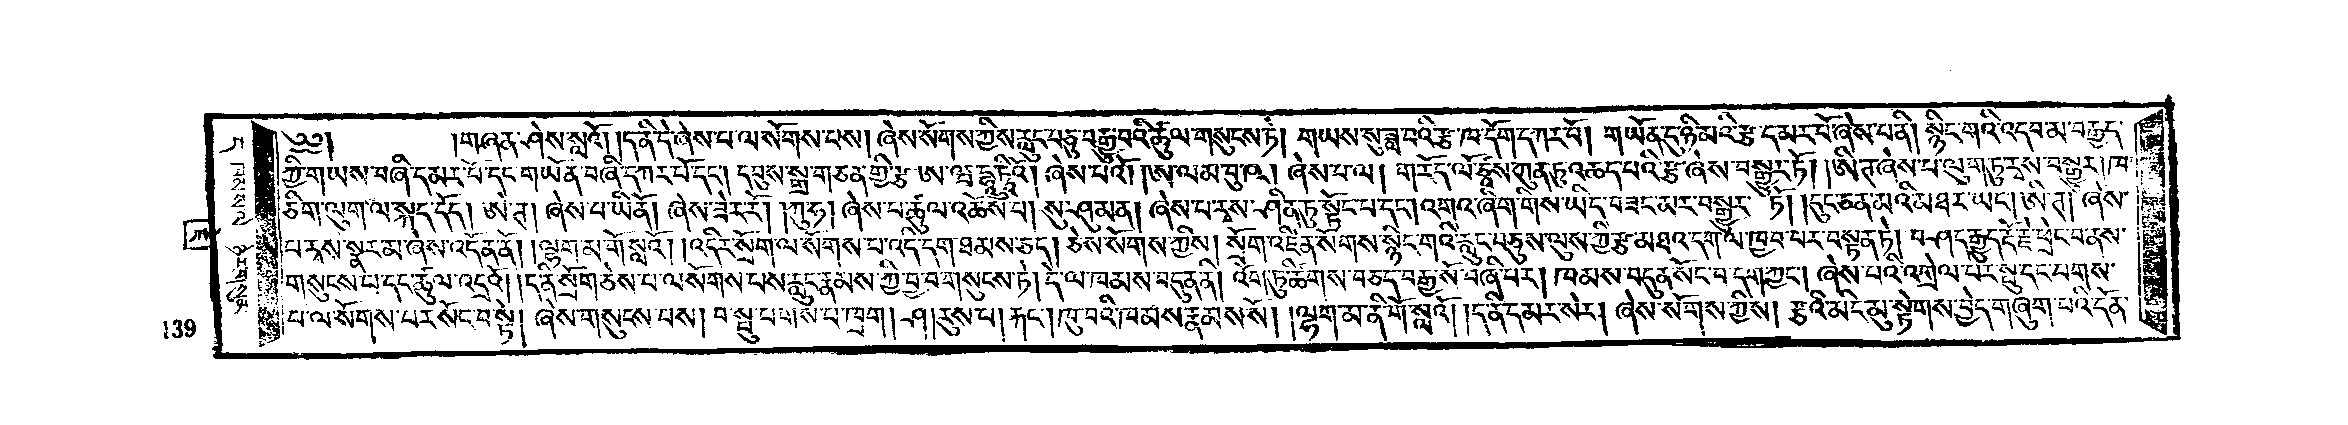༄༅། །གཞན་ཤེས་སླའོ། །ད་ནི་དེ་ཞེས་པ་ལ་སོགས་པས། ཞེས་སོགས་ཀྱིས་རླུང་བཅུ་བརྒྱུ་བའི་ཚུལ་གསུངས་ཏེ། གཡས་སུ་ཟླ་བའི་རྩ་ཁ་དོག་དཀར་པོ། གཡོན་དུ་ཉི་མའི་རྩ་དམར་པོ་ཞེས་པ་ནི། སྙིང་གའི་འདབ་མ་བརྒྱད་
ཀྱི་གཡས་བཞི་དམར་པོ་དང་གཡོན་བཞི་དཀར་པོ་དང་། དབུས་སྒྲ་གཅན་གྱི་རྩ་ཨ་ཝ་དྷཱུ་ཏཱིའོ། ཞེས་པའོ། །ཨ་ལམ་བུ་ཥ། ཞེས་པ་ལ། ག་རོད་ལོ་ཙཱས་ཀུན་ཏུ་འཆད་པའི་རྩ་ཞེས་བསྒྱུར་ཏོ། །ཨི་ཊ་ཞེས་པ་ལུག་ཏུ་རྭས་བསྒྱུར། ཁ་
ཅིག་ལུག་ལ་སྐད་དོད། ཨེ་ཊ། ཞེས་པ་ཡིན་ནོ། ཞེས་ཟེར་རོ། །ཀུ་ཧ། ཞེས་པ་ཚུལ་འཆོས་པ། སུ་ཤུ་མན། ཞེས་པ་རྭས་ཤིན་ཏུ་སྟོང་པ་དང་། འགའ་ཞིག་གིས་ཡིད་བཟང་མར་བསྒྱུར་ཏོ། །དུང་ཅན་མའི་མཐར་ཡང་། ཨི་ཊ། ཞེས་
པ་རྭས་སྣར་མ་ཞེས་འདོན་ནོ། །ལྷག་མ་གོ་སླའོ། །འདིར་སྲོག་ལ་སོགས་པ་འདི་དག་ཐམས་ཅད། ཅེས་སོགས་ཀྱིས། སྲོག་འཛིན་སོགས་སྙིང་གའི་རླུང་བཅུས་ལུས་ཀྱི་རྩ་མཐའ་དག་ལ་ཁྱབ་པར་བསྟན་ཏེ། བཤད་རྒྱུད་རྡོ་རྗེ་ཕྲེང་བ་ནས་
གསུངས་པ་དང་ཚུལ་འདྲའོ། །ད་ནི་སྲོག་ཅེས་པ་ལ་སོགས་པས་རླུང་རྣམས་ཀྱི་བྱ་བ་གསུངས་ཏེ། དེ་ལ་ཁམས་བདུན་ནི། འོག་ཏུ་ཚིགས་བཅད་བརྒྱ་སོ་བཞི་པར། ཁམས་བདུན་སོང་བ་དག་ཀྱང་། ཞེས་པའི་འགྲེལ་པར་སྤུ་དང་པགས་
པ་ལ་སོགས་པར་སོང་བ་སྟེ། ཞེས་གསུངས་པས། བ་སྤུ་པགས་པ་ཁྲག །ཤ། རུས་པ། རྐང་། ཁུ་བའི་ཁམས་རྣམས་སོ། །ལྷག་མ་ནི་གོ་སླའོ། །ད་ནི་དམར་སེར། ཞེས་སོགས་ཀྱིས། རྩའི་མིང་མུ་སྟེགས་བྱེད་གཞུག་པའི་དོན་